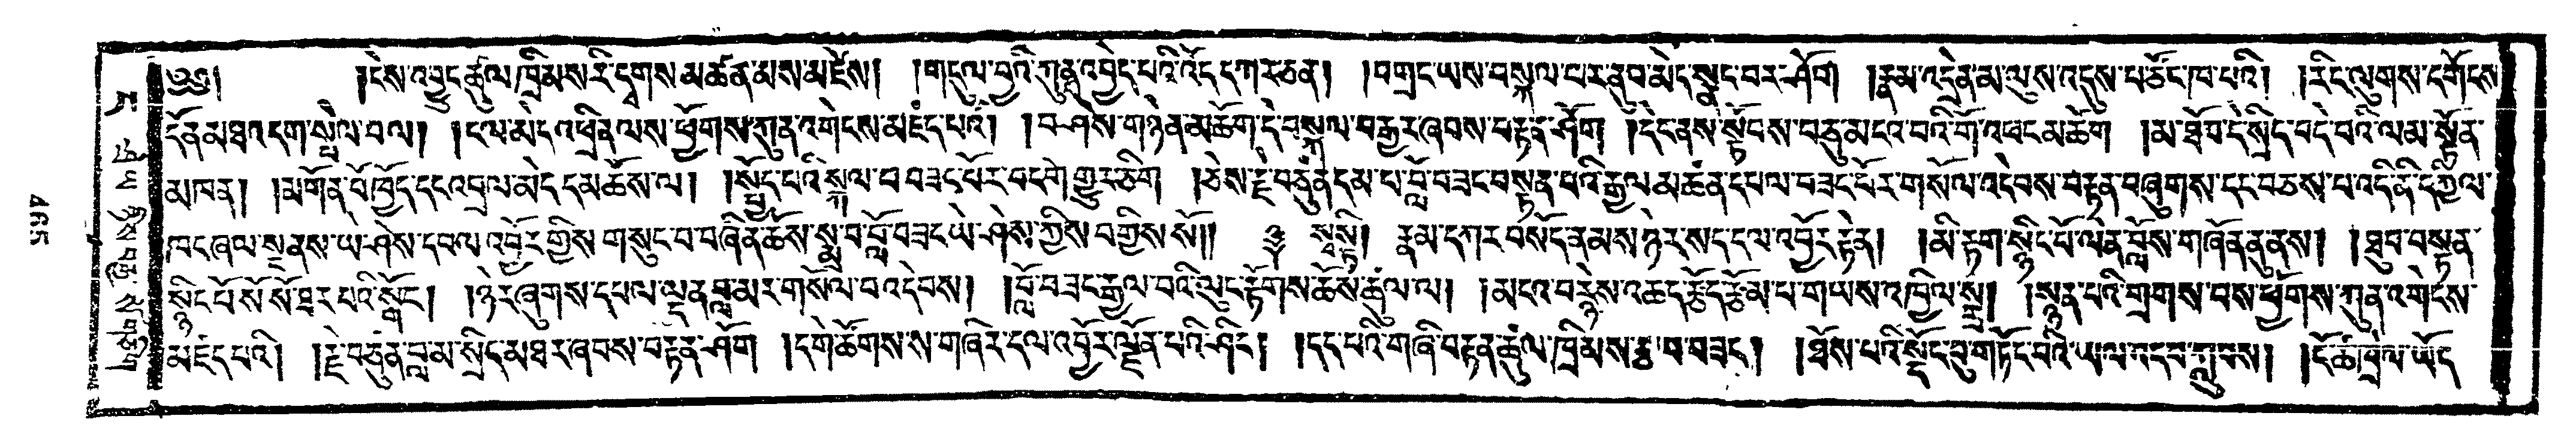༄༅། །ངེས་འབྱུང་ཚུལ་ཁྲིམས་རི་དྭགས་མཚན་མས་མཛེས། །གདུལ་བྱའི་ཀུན་འབྱེད་པའི་འོད་དཀར་ཅན། བགྲང་ཡས་བསྐལ་པར་ནུབ་མེད་སྣང་བར་ཤོག །རྣམ་འདྲེན་མ་ལུས་འདུས་པ་ཙོང་ཁ་པའི། །རིང་ལུགས་དགོངས་
དོན་མཐའ་དག་སྤེལ་བ་ལ། །ངལ་མེད་འཕྲིན་ལས་ཕྱོགས་ཀུན་འགེངས་མཛད་པའི། །བཤེས་གཉེན་མཆོག་དེ་བསྐལ་བརྒྱར་ཞབས་བརྟན་ཤོག །དེང་ནས་སྟོབས་བཅུ་མངའ་བའི་གོ་འཕང་མཆོག །མ་ཐོབ་དེ་སྲིད་བདེ་བའི་ལམ་སྟོན་
མཁན། །མགོན་བོ་ཁྱོད་དང་འབྲལ་མེད་དམ་ཆོས་ལ། །སྤྱོད་པའི་སྐལ་བ་བཟང་པོར་བདག་གྱུར་ཅིག །ཅེས་རྗེ་བཙུན་དམ་པ་བློ་བཟང་བསྟན་པའི་རྒྱལ་མཚན་དཔལ་བཟང་པོར་གསོལ་འདེབས་བརྟན་བཞུགས་དང་བཅས་པ་འདི་ནི་དཀྱིལ་
ཁང་ཞལ་སྔ་ནས་ཡེ་ཤེས་དཔལ་འབྱོར་གྱིས་གསུང་བ་བཞིན་ཆོས་སྨྲ་བ་བློ་བཟང་ཡེ་ཤེས་ཀྱིས་བགྱིས་སོ།། ༈ སྭྶྟི། རྣམ་དཀར་བསོད་ནམས་ཉེར་སད་དལ་འབྱོར་རྟེན། །མི་རྟག་སྙིང་པོ་ལེན་བློས་གཞོན་ནུ་ནས། །ཐུབ་བསྟན་
སྙིང་པོ་སོ་སོ་ཐར་པའི་སྒོང་། །ཉེར་ཞུགས་དཔལ་ལྡན་བླ་མར་གསོལ་བ་འདེབས། །བློ་བཟང་རྒྱལ་བའི་ལུང་རྟོགས་ཆོས་ཚུལ་ལ། །མངའ་བརྙེས་འཆད་རྩོད་རྩོམ་པ་གཡས་འཁྱིལ་སྒྲ། །སྙན་པའི་གྲགས་བས་ཕྱོགས་ཀུན་འགེངས་
མཛད་པའི། །རྗེ་བཙུན་བླ་མ་སྲིད་མཐར་ཞབས་བརྟན་ཤོག །དགེ་ཚོགས་ས་གཞིར་དལ་འབྱོར་ལྗོན་པའི་ཤིང་། །དད་པའི་གཞི་བརྟན་ཚུལ་ཁྲིམས་རྩ་བ་བཟང་། །ཐོས་པའི་སྡོང་བུ་གཏོང་བའི་ཡལ་འདབ་ཀླུབས། །ངོ་ཚ་ཁྲེལ་ཡོད་